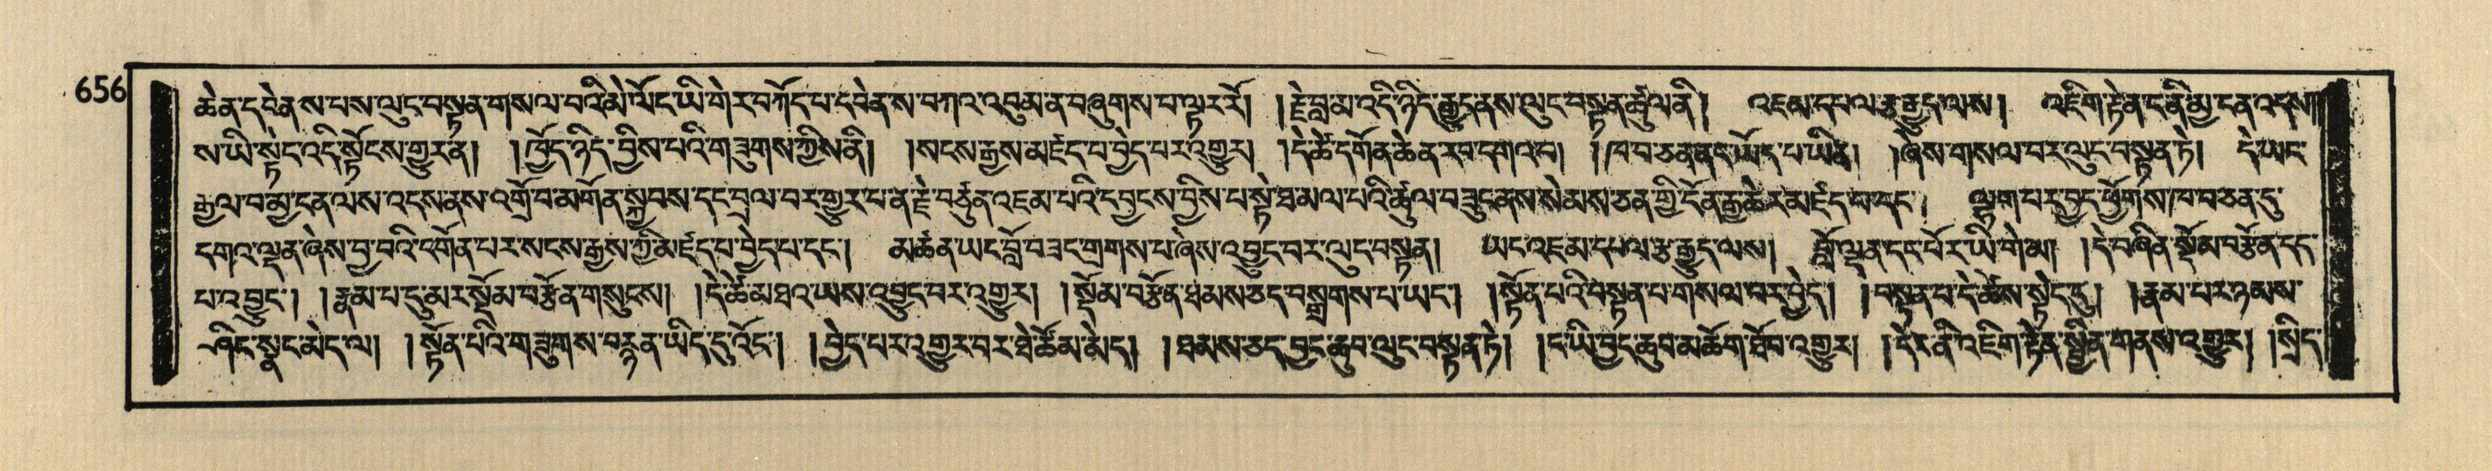ཆེན་དབེན་ས་པས་ལུང་བསྟན་གསལ་བའི་མེ་ལོང་ཡི་གེར་བཀོད་པ་དབེན་ས་བཀའ་འབུམ་ན་བཞུགས་པ་ལྟར་རོ། །རྗེ་བླ་མ་འདི་ཉིད་རྒྱུད་ནས་ལུང་བསྟན་ཚུལ་ནི། འཇམ་དཔལ་རྩ་རྒྱུད་ལས། འཇིག་རྟེན་ང་ནི་མྱ་ངན་འདས།
ས་ཡི་སྟེང་འདི་སྟོངས་གྱུར་ན། །ཁྱོད་ཉིད་བྱིས་པའི་གཟུགས་ཀྱིས་ནི། །སངས་རྒྱས་མཛད་པ་བྱེད་པར་འགྱུར། །དེ་ཚེ་དགོན་ཆེན་རབ་དགའ་བ། །ཁ་བ་ཅན་ནང་ཡོད་པ་ཡིན། །ཞེས་གསལ་བར་ལུང་བསྟན་ཏེ། དེ་ཡང་
རྒྱལ་བ་མྱ་ངན་ལས་འདས་ནས་འགྲོ་བ་མགོན་སྐྱབས་དང་བྲལ་བར་གྱུར་པ་ན་རྗེ་བཙུན་འཇམ་པའི་དབྱངས་བྱིས་པ་སྟེ་ཐ་མལ་པའི་ཚུལ་བཟུང་ནས་སེམས་ཅན་གྱི་དོན་རྒྱ་ཆེར་མཛད་པ་དང་། ལྷག་པར་བྱང་ཕྱོགས་ཁ་བ་ཅན་དུ་
དགའ་ལྡན་ཞེས་བྱ་བའི་དགོན་པར་སངས་རྒྱས་ཀྱི་མཛད་པ་བྱེད་པ་དང་། མཚན་ཡང་བློ་བཟང་གྲགས་པ་ཞེས་འབྱུང་བར་ལུང་བསྟན། ཡང་འཇམ་དཔལ་རྩ་རྒྱུད་ལས། བློ་ལྡན་དང་པོར་ཡི་གེ་མ། །དེ་བཞིན་སྡོམ་བརྩོན་དད་
པ་འབྱུང་། །རྣམ་པ་དུ་མར་སྡོམ་བརྩོན་གསུངས། །དེ་ཚེ་མཐའ་ཡས་འབྱུང་བར་འགྱུར། །སྡོམ་བརྩོན་ཐམས་ཅད་བསྒྲགས་པ་ཡང་། །སྟོན་པའི་བསྟན་པ་གསལ་བར་བྱེད། །བསྟན་པ་དེ་ཚེས་སྟེང་དུ། །རྣམ་པར་ཉམས་
ཤིང་སྣང་མེད་ལ། །སྟོན་པའི་གཟུགས་བརྙན་ཡིད་དུ་འོང་། །བྱེད་པར་འགྱུར་བར་ཐེ་ཚོམ་མེད། །ཐམས་ཅད་བྱང་ཆུབ་ལུང་བསྟན་ཏེ། །ང་ཡི་བྱང་ཆུབ་མཆོག་ཐོབ་འགྱུར། །དེར་ནི་འཇིག་རྟེན་སྦྱིན་གནས་འགྱུར། །སྲིད་